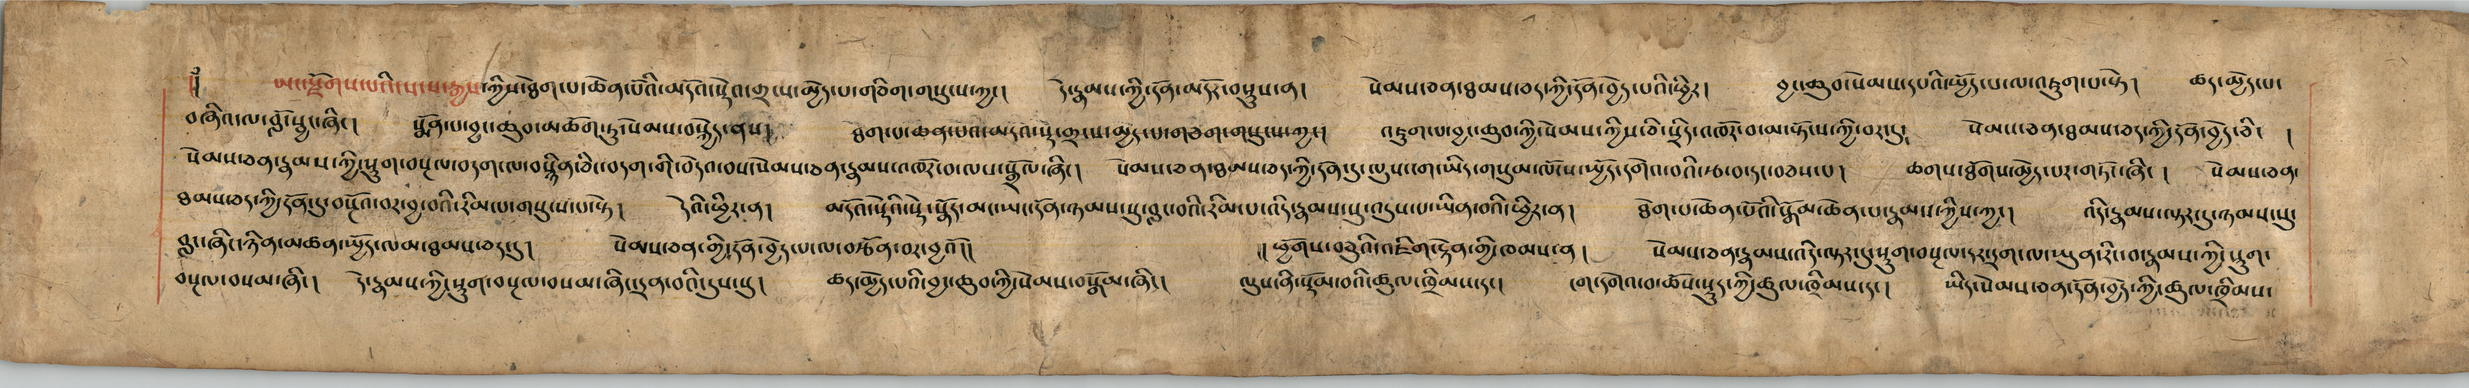།། ཡང་སྫོགས་པའི་སངས་རྒྱས་ཀྱིས་ཐེག་པ་ཆེན་པོའི་མདོའ་སྡེའ་གྲངས་མྱེད་པ་གཅིག་གསུངས་ཀྱང། དེ་རྣམས་ཀྱི་དོན་མདོར་བསྡུས་ན། སེམས་ཅན་ཐམས་ཅད་ཀྱི་དོན་བྱེད་པའི་ཕྱིར། བྱང་ཆུབ་སེམས་དཔའི་སྤྱོད་པ་ལ་འཇུག་པ་སྟེ། ཚད་མྱེད་པ་
བཞིའ་ལ་བློ་སྦྱང་ཞིང། སྨོན་པ་བྱང་ཆུབ་མཆོག་ཏུ་སེམས་བསྐྱེད་ནས། ཐེག་པ་ཆེན་པོའི་རྒྱུད་མདོའ་སྡེ་གྲངས་མྱེད་པ་གཅིག་གསུངས་ཀྱང། འཇུག་པ་བྱང་ཆུབ་ཀྱི་སེམས་ཀྱིས་ཅི་སྲིད་འཁོར་བ་མ་སྟོངས་ཀྱི་བར་དུ། སེམས་ཅན་ཐམས་ཅད་ཀྱི་དོན་བྱེད་ཅིང །
སེམས་ཅན་རྣམས་ཀྱི་སྡུག་བསྔལ་བདག་ལ་བསྙིན་ཅིང་བདག་གི་བདེའ་བས་སེམས་ཅན་རྣམས་འཁོར་བ་ལས་སྒྲོལ་ཞིང། སེམས་ཅན་ཐམས་ཅད་ཀྱི་དོན་དུ་ལུས་ངག་ཡིད་གསུམ་ལོངས་སྤྱོད་དགེའ་བའི་རྩ་བ་དང་བཅས་པ། ཆགས་ཐོགས་མྱེད་པར་གཏོང་ཞིང ། སེམས་ཅན་
ཐམས་ཅད་ཀྱི་དོན་དུ་བསྔོའ་བར་བྱ་བའི་རིམ་པ་གསུངས་པ་སྟེ། དེའི་ཕྱིར་ན། མདོའ་སྡེའི་སྡེ་སྣོད་མང་ཡང་དོན་ཉམས་སུ་བླང་བའི་རིམ་པ་འདི་རྣམས་སུ་འདུས་པ་ཡིན་བའི་ཕྱིར་ན། ཐེག་པ་ཆེན་པོའི་སྒོམ་ཆེན་པ་རྣམས་ཀྱིས་ཀྱང། འདི་རྣམས་ལྟར་དུ་ཉམས་སུ་
བླང་ཞིང་ཉིན་མཚན་སྤྱོད་ལམ་ཐམས་ཅད་དུ། སེམས་ཅན་གྱི་དོན་བྱེད་པ་ལ་བརྩོན་བར་བྱའོ།། །།ཕྱོགས་བཅུའི་འཇིག་རྟེན་གྱི་ཁམས་ན། སེམས་ཅན་རྣམས་འདི་ལྟར་དི་སྡུག་བསྔལ་དར་དྲག་ལ་ཡུན་རིང་བ་རྣམས་ཀྱི་སྡུག་
བསྔལ་བསམ་ཞིང། དེ་རྣམས་ཀྱི་སྡུག་བསྔལ་བསམ་ཞིང་དྲབ་བའི་དུས་སུ། ཚད་མྱེད་པའི་བྱང་ཆུབ་ཀྱི་སེམས་བསྒོམ་ཞིང། ལུས་ནི་སྡོམ་བའི་ཚུལ་ཁྲིམས་དང། ངག་དགེའ་བ་ཆོས་སྡུད་ཀྱི་ཚུལ་ཁྲིམས་དང། ཡིད་སེམས་ཅན་དོན་བྱེད་ཀྱི་ཚུལ་ཁྲིམས་